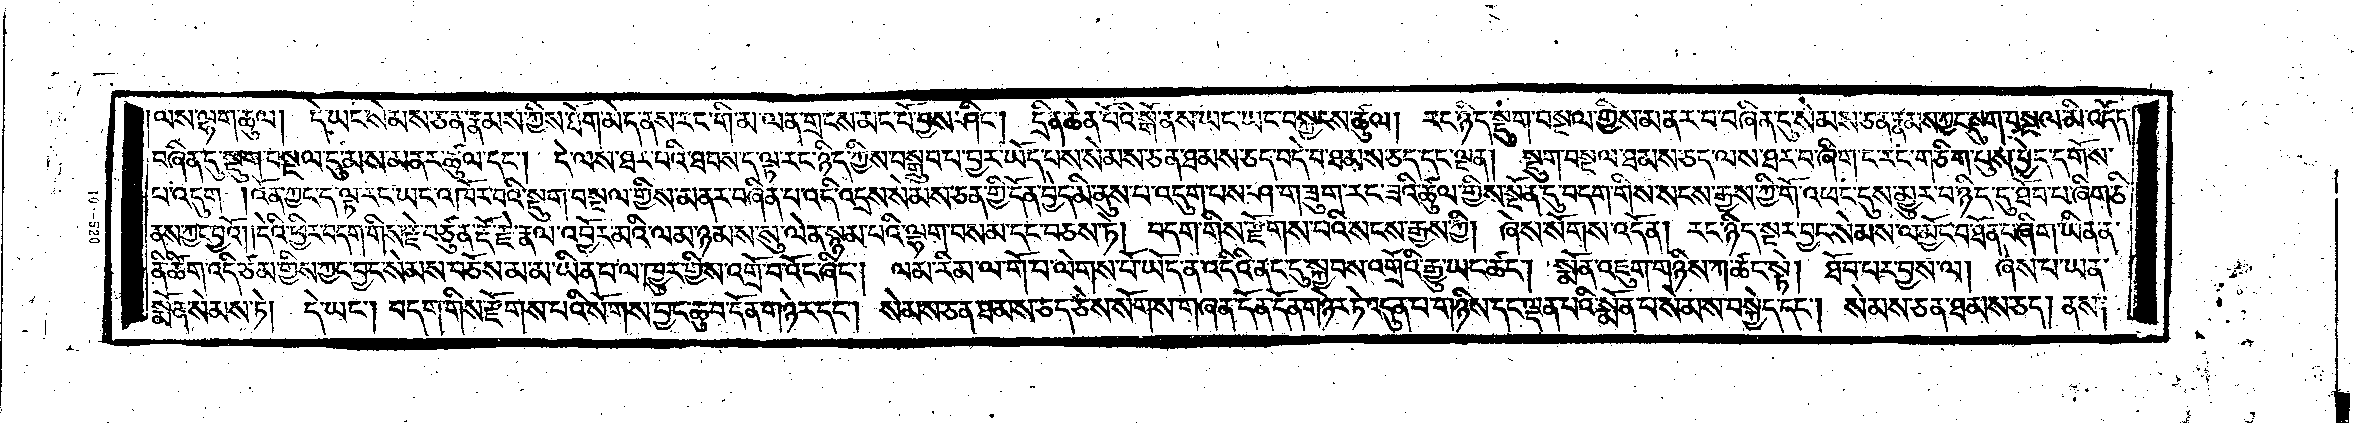ལས་ལྷག་ཚུལ། དེ་ཡང་སེམས་ཅན་རྣམས་ཀྱིས་ཐོག་མེད་ནས་རང་གི་མ་ལན་གྲངས་མང་པོ་བྱས་ཤིང་། དྲིན་ཆེན་པོའི་སྒོ་ནས་ཡང་ཡང་བསྐྱངས་ཚུལ། རང་ཉིད་སྡུག་བསྔལ་གྱིས་མནར་བ་བཞིན་དུ་སེམས་ཅན་རྣམས་ཀྱང་སྡུག་བསྔལ་མི་འདོད་
བཞིན་དུ་སྡུག་བསྔལ་དུ་མས་མནར་ཚུལ་དང་། དེ་ལས་ཐར་བའི་ཐབས་ད་ལྟ་རང་ཉིད་ཀྱིས་བསྒྲུབ་པ་བྱར་ཡོད་པས་སེམས་ཅན་ཐམས་ཅད་བདེ་བ་ཐམས་ཅད་དང་ལྡན། སྡུག་བསྔལ་ཐམས་ཅད་ལས་ཐར་བ་ཞིག་ང་རང་གཅིག་པུས་བྱེད་དགོས་
པ་འདུག །འོན་ཀྱང་ད་ལྟ་རང་ཡང་འཁོར་བའི་སྡུག་བསྔལ་གྱིས་མནར་བཞིན་པ་འདི་འདྲས་སེམས་ཅན་གྱི་དོན་བྱེད་མི་ནུས་པ་འདུག་བས་ཤ་གཟུག་རང་ཟའི་ཚུལ་གྱིས་སྔོན་དུ་བདག་གིས་སངས་རྒྱས་ཀྱི་གོ་འཕང་དུས་མྱུར་བ་ཉིད་དུ་ཐོབ་པ་ཞིག་ཅི་
ནས་ཀྱང་བྱའོ། །དེའི་ཕྱིར་བདག་གིས་རྗེ་བཙུན་རྡོ་རྗེ་རྣལ་འབྱོར་མའི་ལམ་ཉམས་སུ་ལེན་སྙམ་པའི་ལྷག་བསམ་དང་བཅས་ཏེ། བདག་གིས་རྫོགས་པའི་སངས་རྒྱས་ཀྱི། ཞེས་སོགས་འདོན། རང་ཉིད་སྔར་བྱང་སེམས་ལ་མྱོང་བ་ཐོན་པ་ཞིག་ཡིན་ན་
ནི་ཚིག་འདི་ཙམ་གྱིས་ཀྱང་བྱང་སེམས་བཅོས་མ་མ་ཡིན་པ་ལ་ཁྱུར་གྱིས་འགྲོ་བ་འོང་ཞིང་། ལམ་རིམ་ལ་གོ་བ་ལེགས་པོ་ཡོད་ན་འདིའི་ནང་དུ་སྐྱབས་འགྲོའི་རྒྱུ་ཡང་ཚང་། སྨོན་འཇུག་གཉིས་ཀ་ཚང་སྟེ། ཐོབ་པར་བྱས་ལ། ཞེས་པ་ཡན་
སྨོན་སེམས་ཏེ། དེ་ཡང་། བདག་གིས་རྫོགས་པའི་སོགས་བྱང་ཆུབ་དོན་གཉེར་དང་། སེམས་ཅན་ཐམས་ཅད་ཅེས་སོགས་གཞན་དོན་དོན་གཉེར་ཏེ་འདུན་པ་གཉིས་དང་ལྡན་པའི་སྨོན་པ་སེམས་བསྐྱེད་དང་། སེམས་ཅན་ཐམས་ཅད། ནས།